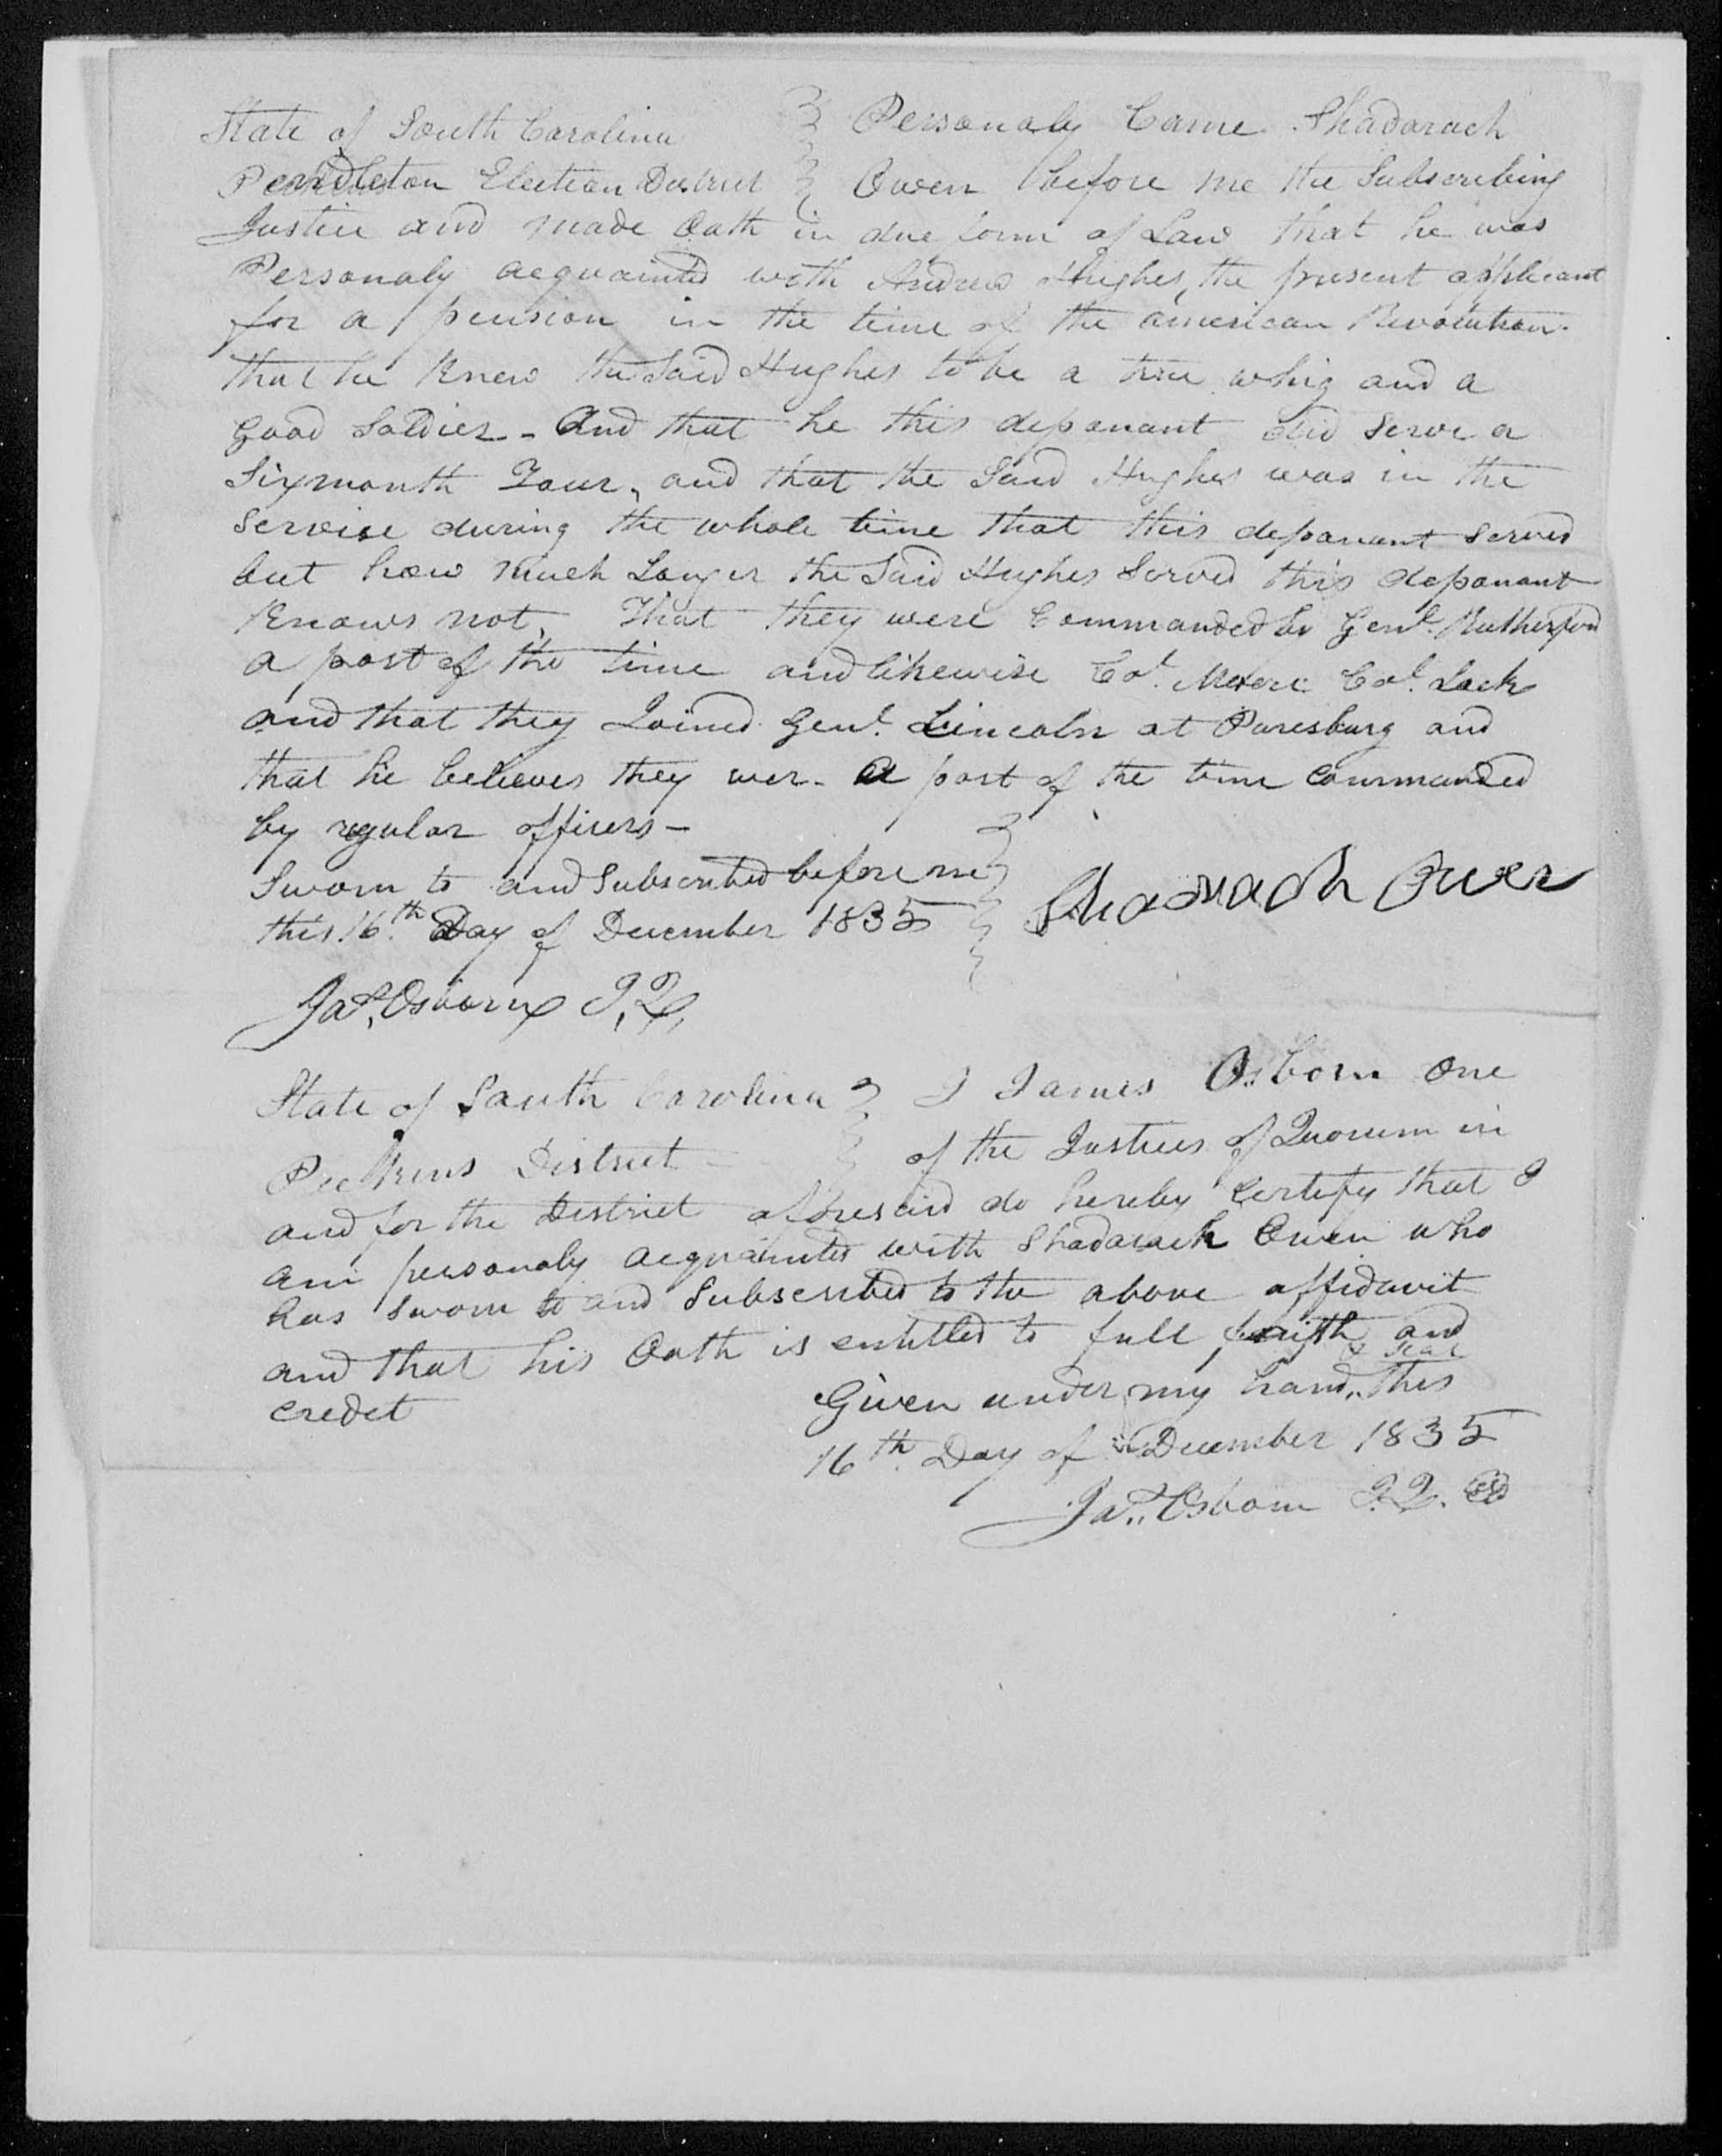State of South Carolina 
Pendleton Election District
Personally(sp) came Shadarach Owen before me the subscribing justice and made oath in [illegible] form of Law that he was personally acquainted with Andrew Hughes, the present applicant for a pension in the time of the American Revolution. That he knew Andrew Hughes to be a true whig and a good soldier and that he this defendant did serve a Sixmonth Four and that the said Hughes was in the service during the whole time that this defendant served but how much longer the said Hughes served this defendant knows not, that they were commanded by General Rutherford a part of the time and likewise Col. Mexere Col. Lack and that they joined General Lincoln at Panesburg and that he believes that they were most of the time commanded by regular officers. 
Sworn to and subscribed before me this 16th Day of December 1835 
(signed) [illegable]
(signed) Shadarach Owen
State of South Carolina Pickens District 
I James Osborn one of the Justices of Quorum in and for the district of afore said do hereby certify that I am personally acquainted with Shadarach Owen who has sworn to and subscribed to the above affidavit and that his oath is entitled to full faith and credit 
given under my hand this 16th day of December 1835 (signed) J. Osborn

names: Mebert, James Osborn, Lincoln, Andrew Hughes, Lack, Shadarach Owen, Rutherford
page: 66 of 75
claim: widow's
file: W. 25805, Andrew Hughes, N.C.